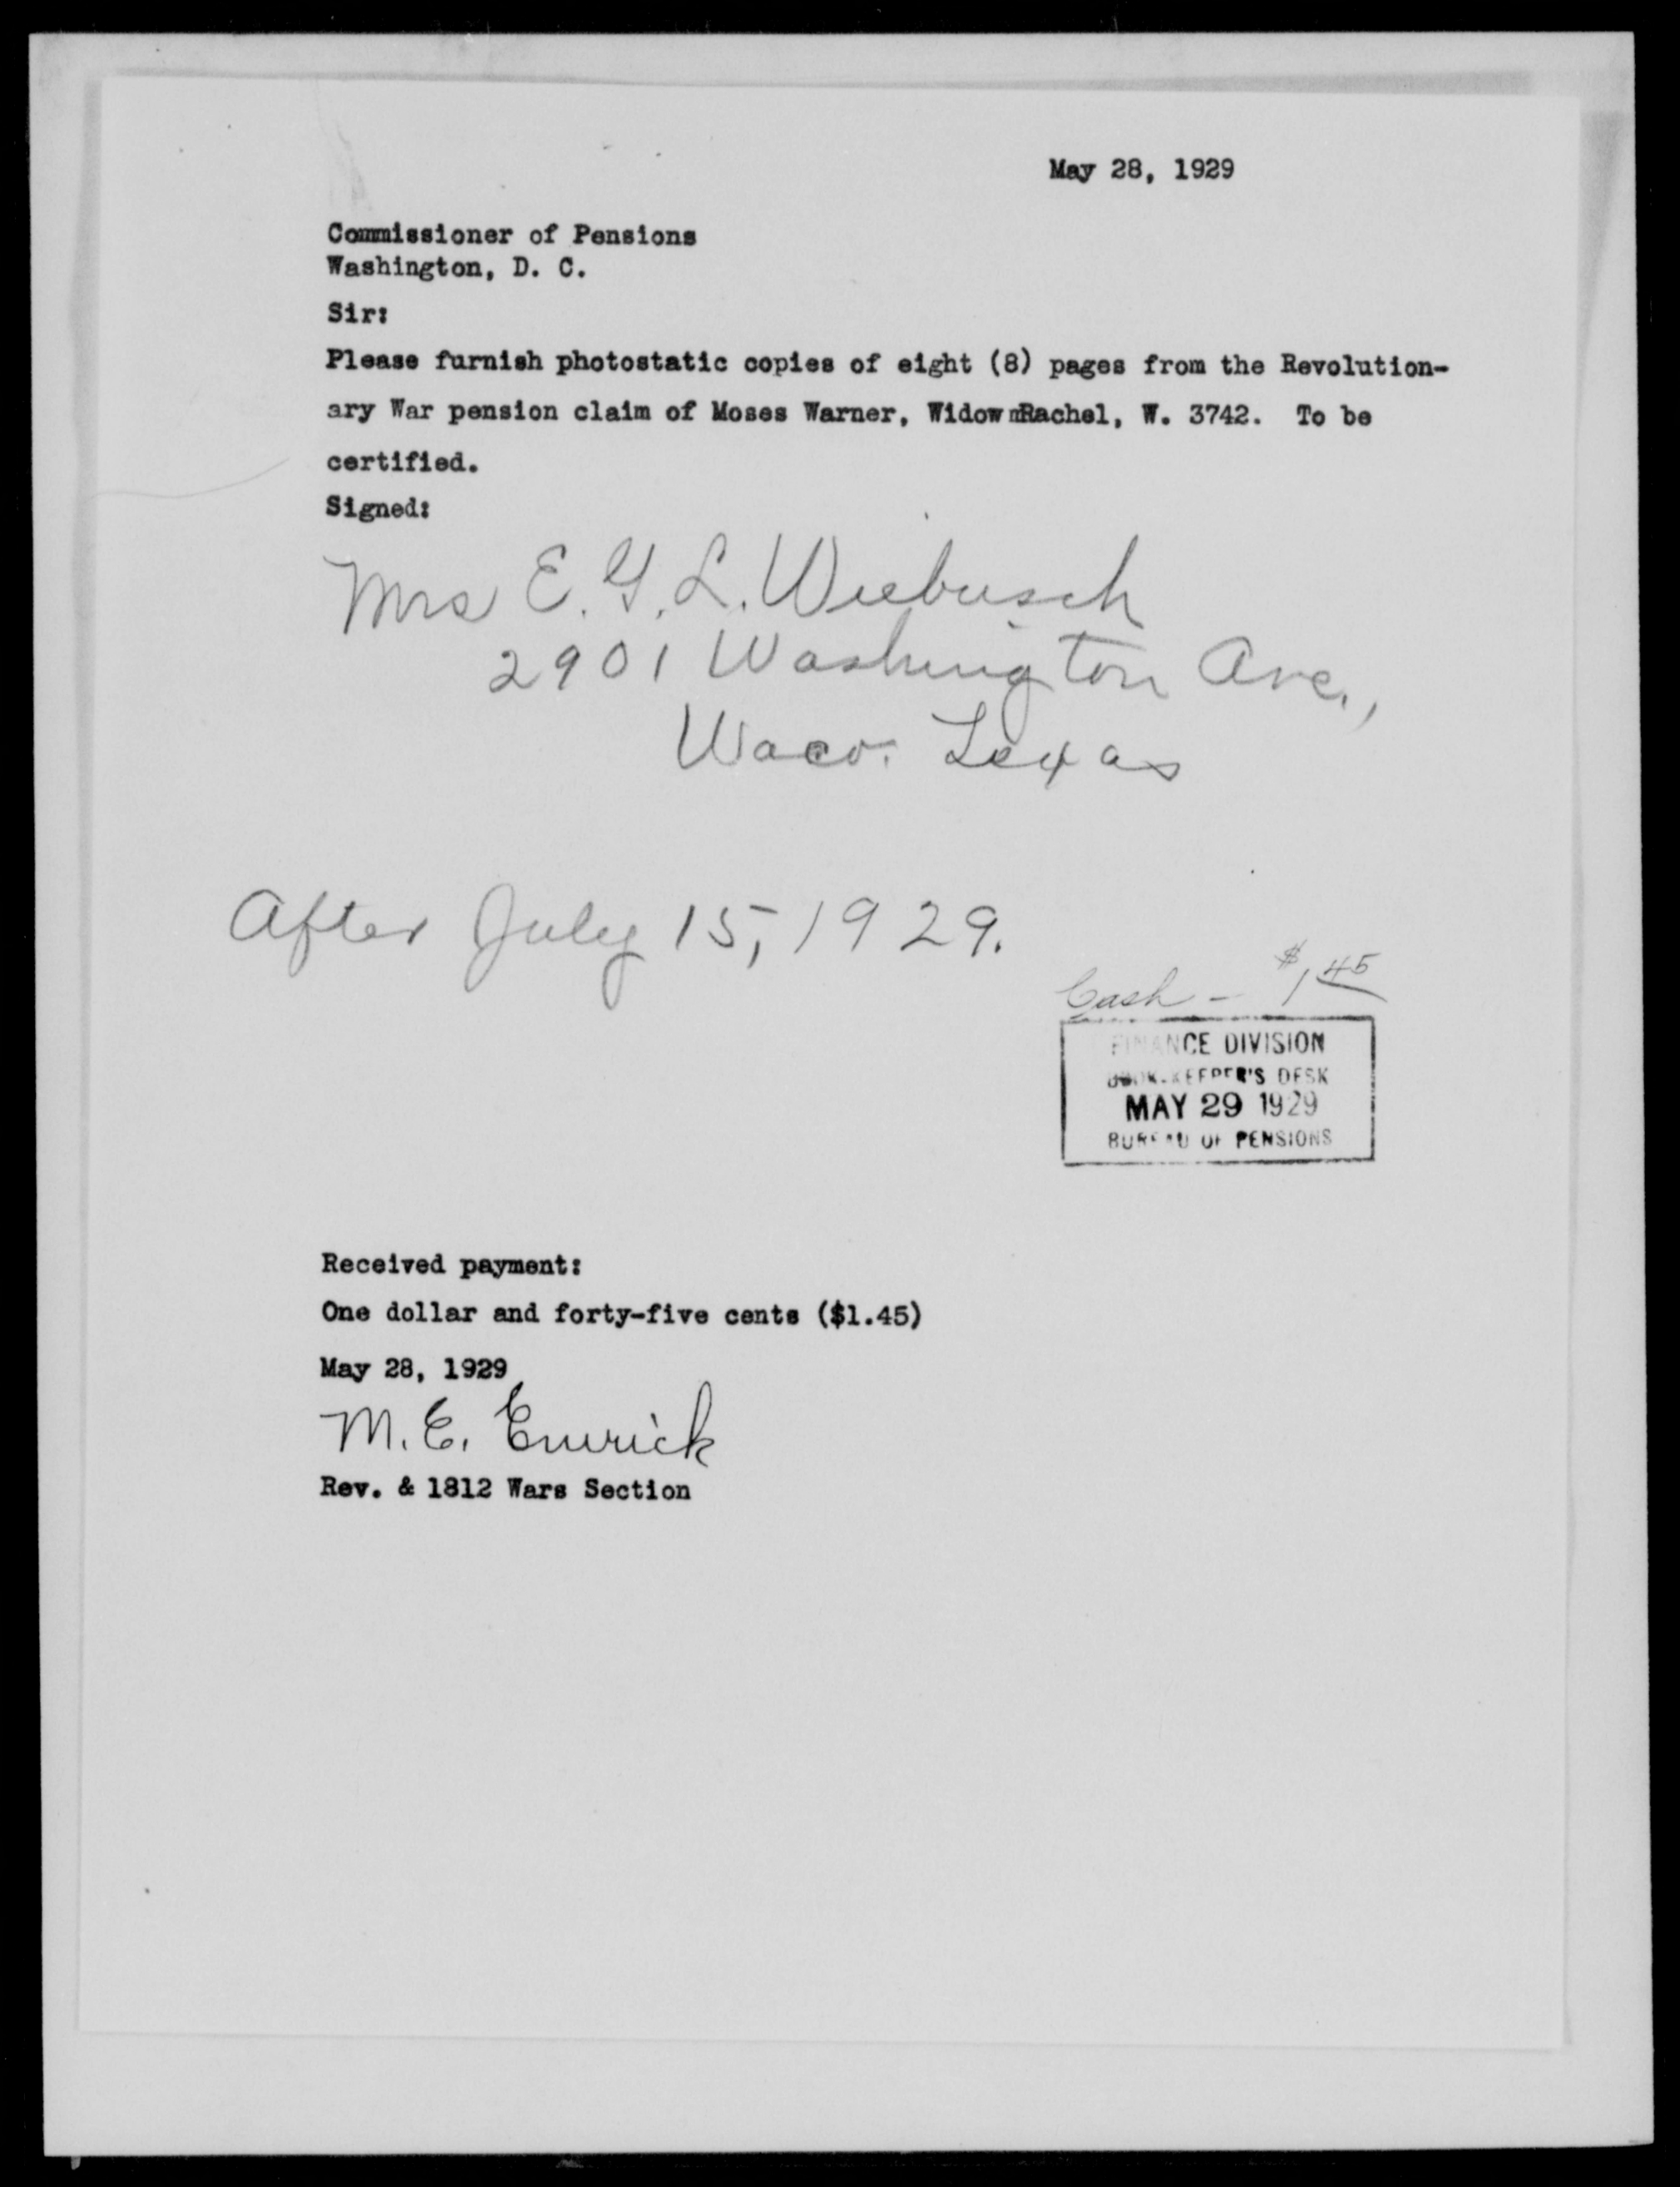May 28, 1929

Commissioner of Pensions
Washington, D .C.

Sir:

Please furnish photostatic copies of eight (8) pages from the Revolutionary War pension claim of Moses Warner, Widow Rachel,  W. 3742.  To be certified.

Signed:
Mrs E. G. L. Wiebusch
2901 Washington Ave.,
Waco, Texas

After July 15, 1929

Cash - $1.45
FINANCE DIVISION
BOOKKEEPER'S DESK
MAY 29, 1929
BUREAU OF PENSIONS

Received payment:
One dollar and forty-five cents ($1.45)
May 28, 1929
M. E. Emrick
Rev. & 1812 Wars Section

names: Rachel Warner, E G L Wiebusch, Moses Warner, M E Emrick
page: 40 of 40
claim: widow's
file: W. 3742, Moses Warner, Conn.